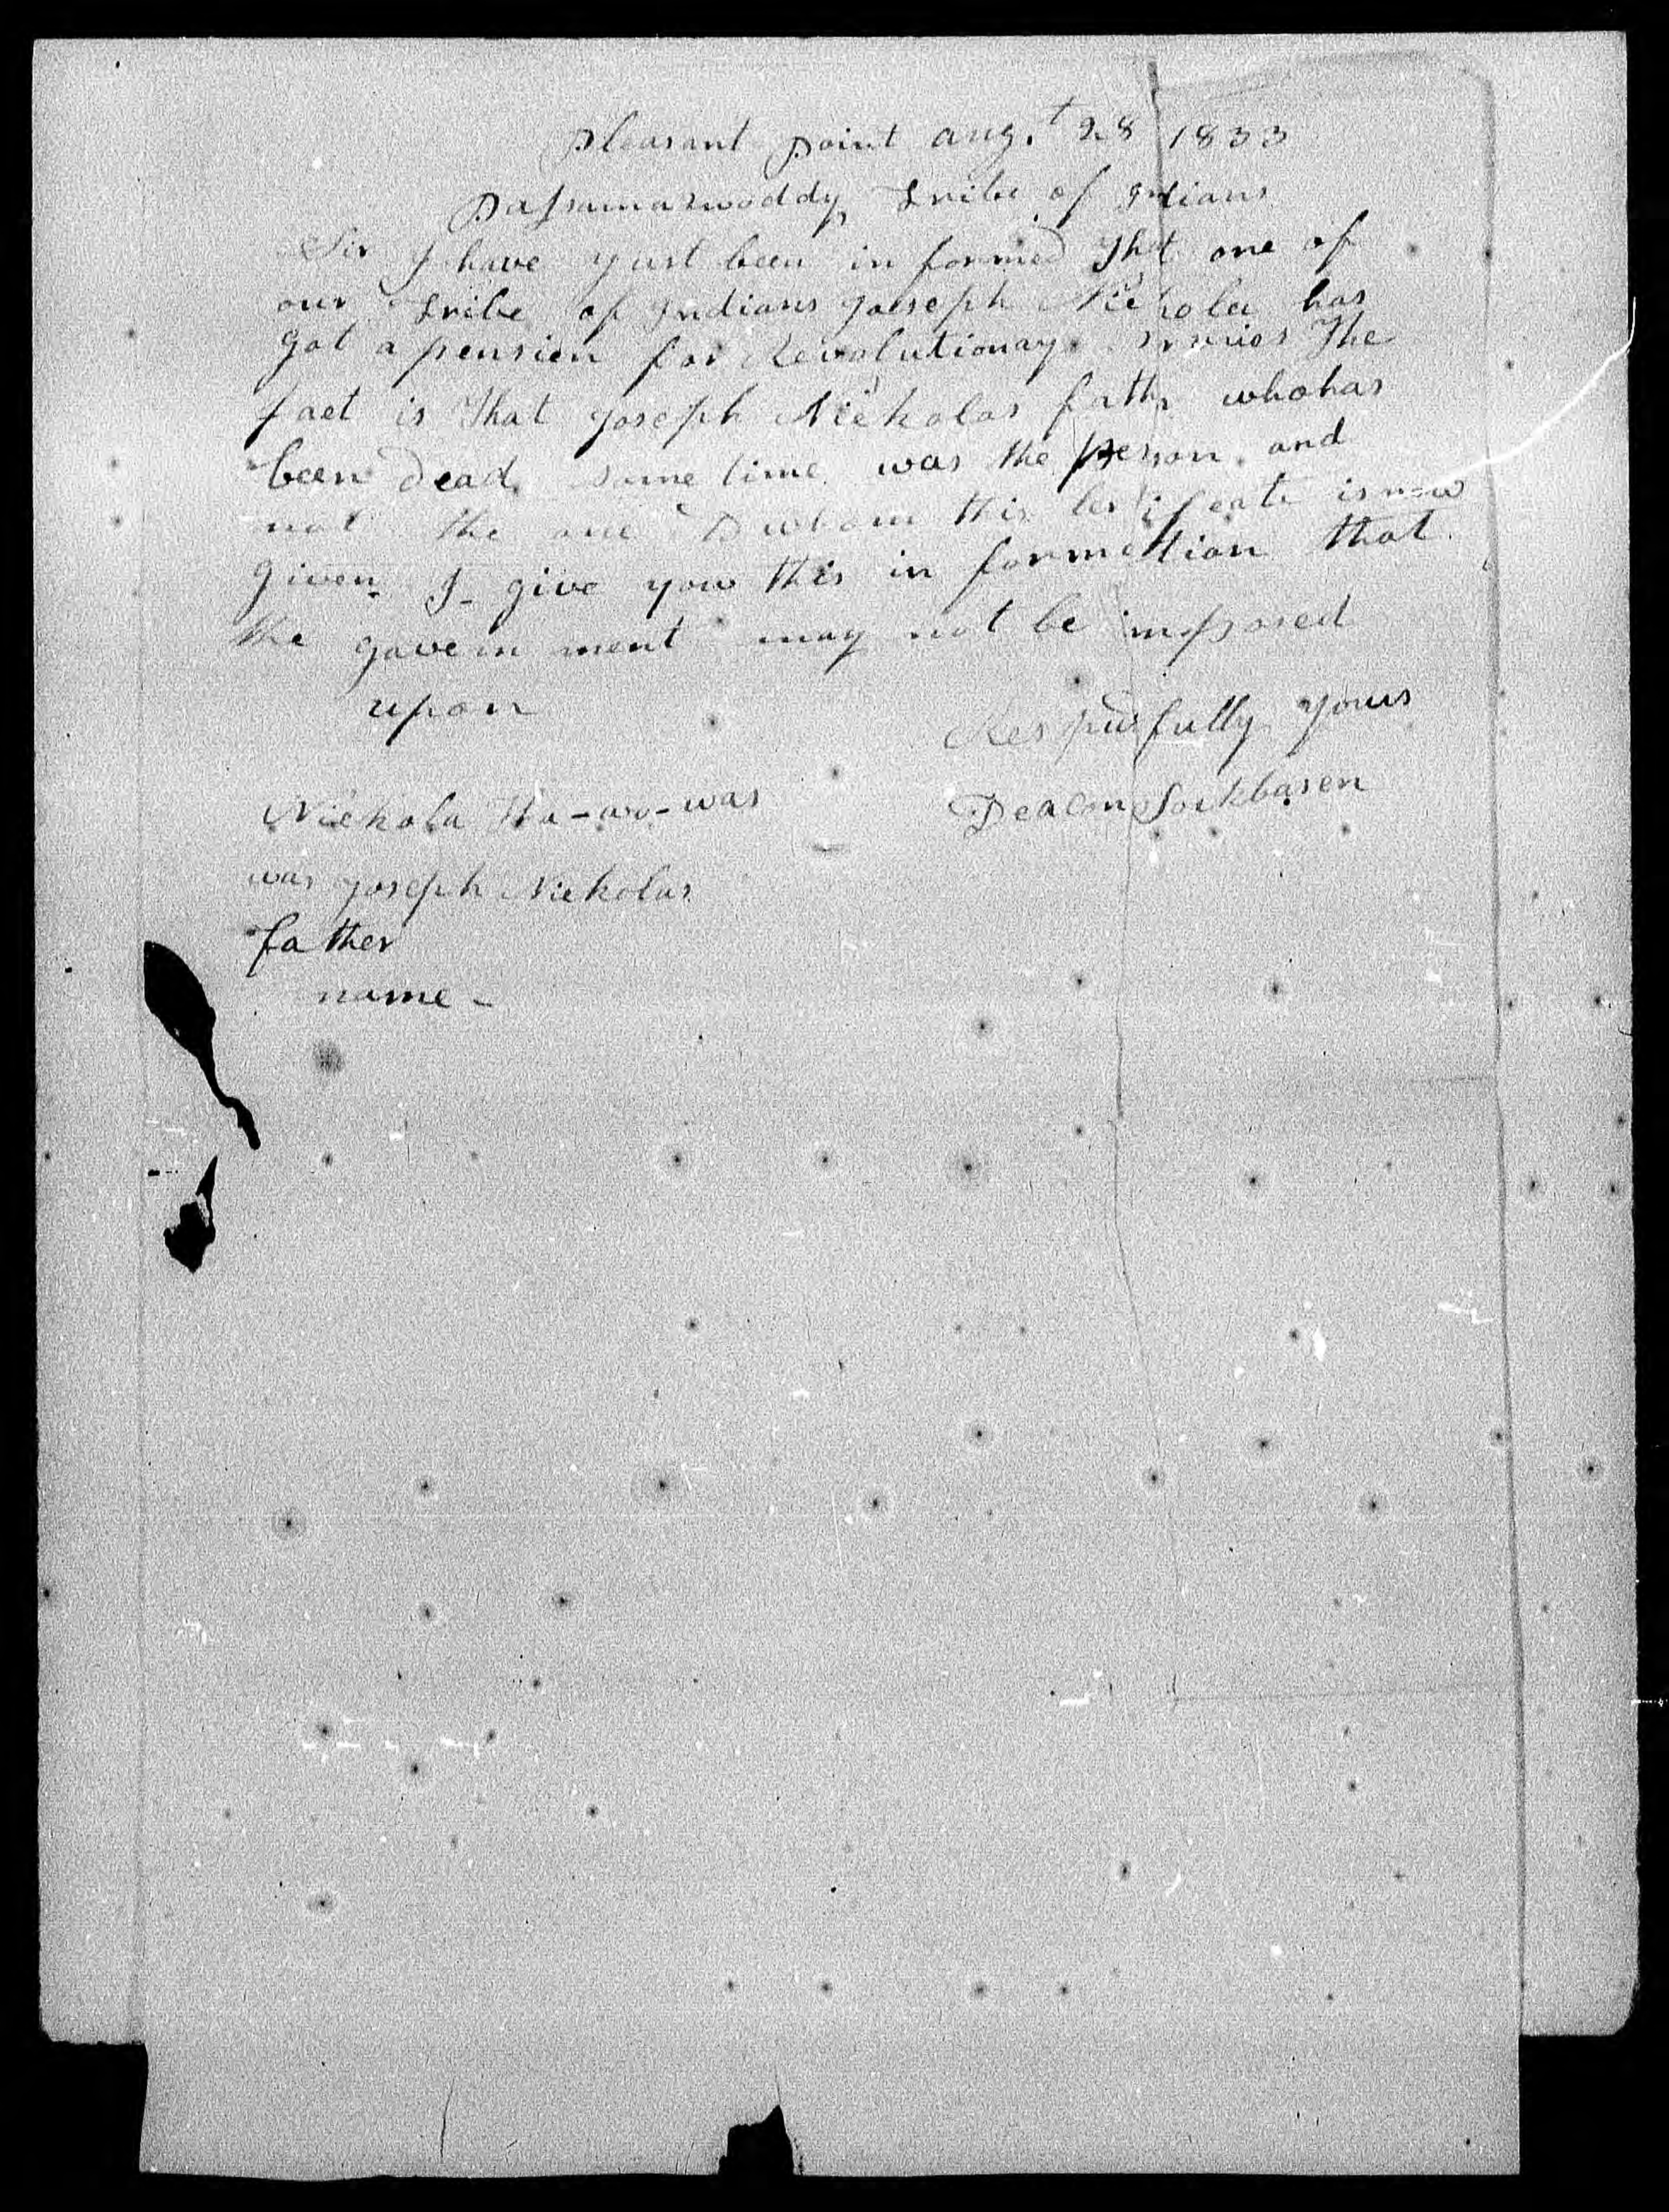Pleasant Point Augt. 28 1833

Passamaquoddy, Tribe of Indians

Sir I have just been in formed that one of
our Tribe of Indians Joseph Nichola has
got a pension for Revolutionary warrior The
fact is that Joseph Nicholas father who has
been dead some time was the person and
not the one to whom this certificate is now
given. I give you this in formation that
the government may not be imposed
upon

Respectfully yours
Deacon Sockbasen

Nicholas Ha-wa-was
was Joseph Nicholas
father
name –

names: Joseph Nicholas, Nichola Hawawas, Joseph Nicholas, Deacon Sockbason, Joseph Nichola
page: 51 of 52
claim: survivor's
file: S 17997, Nicholas Hawwawas, Mass.